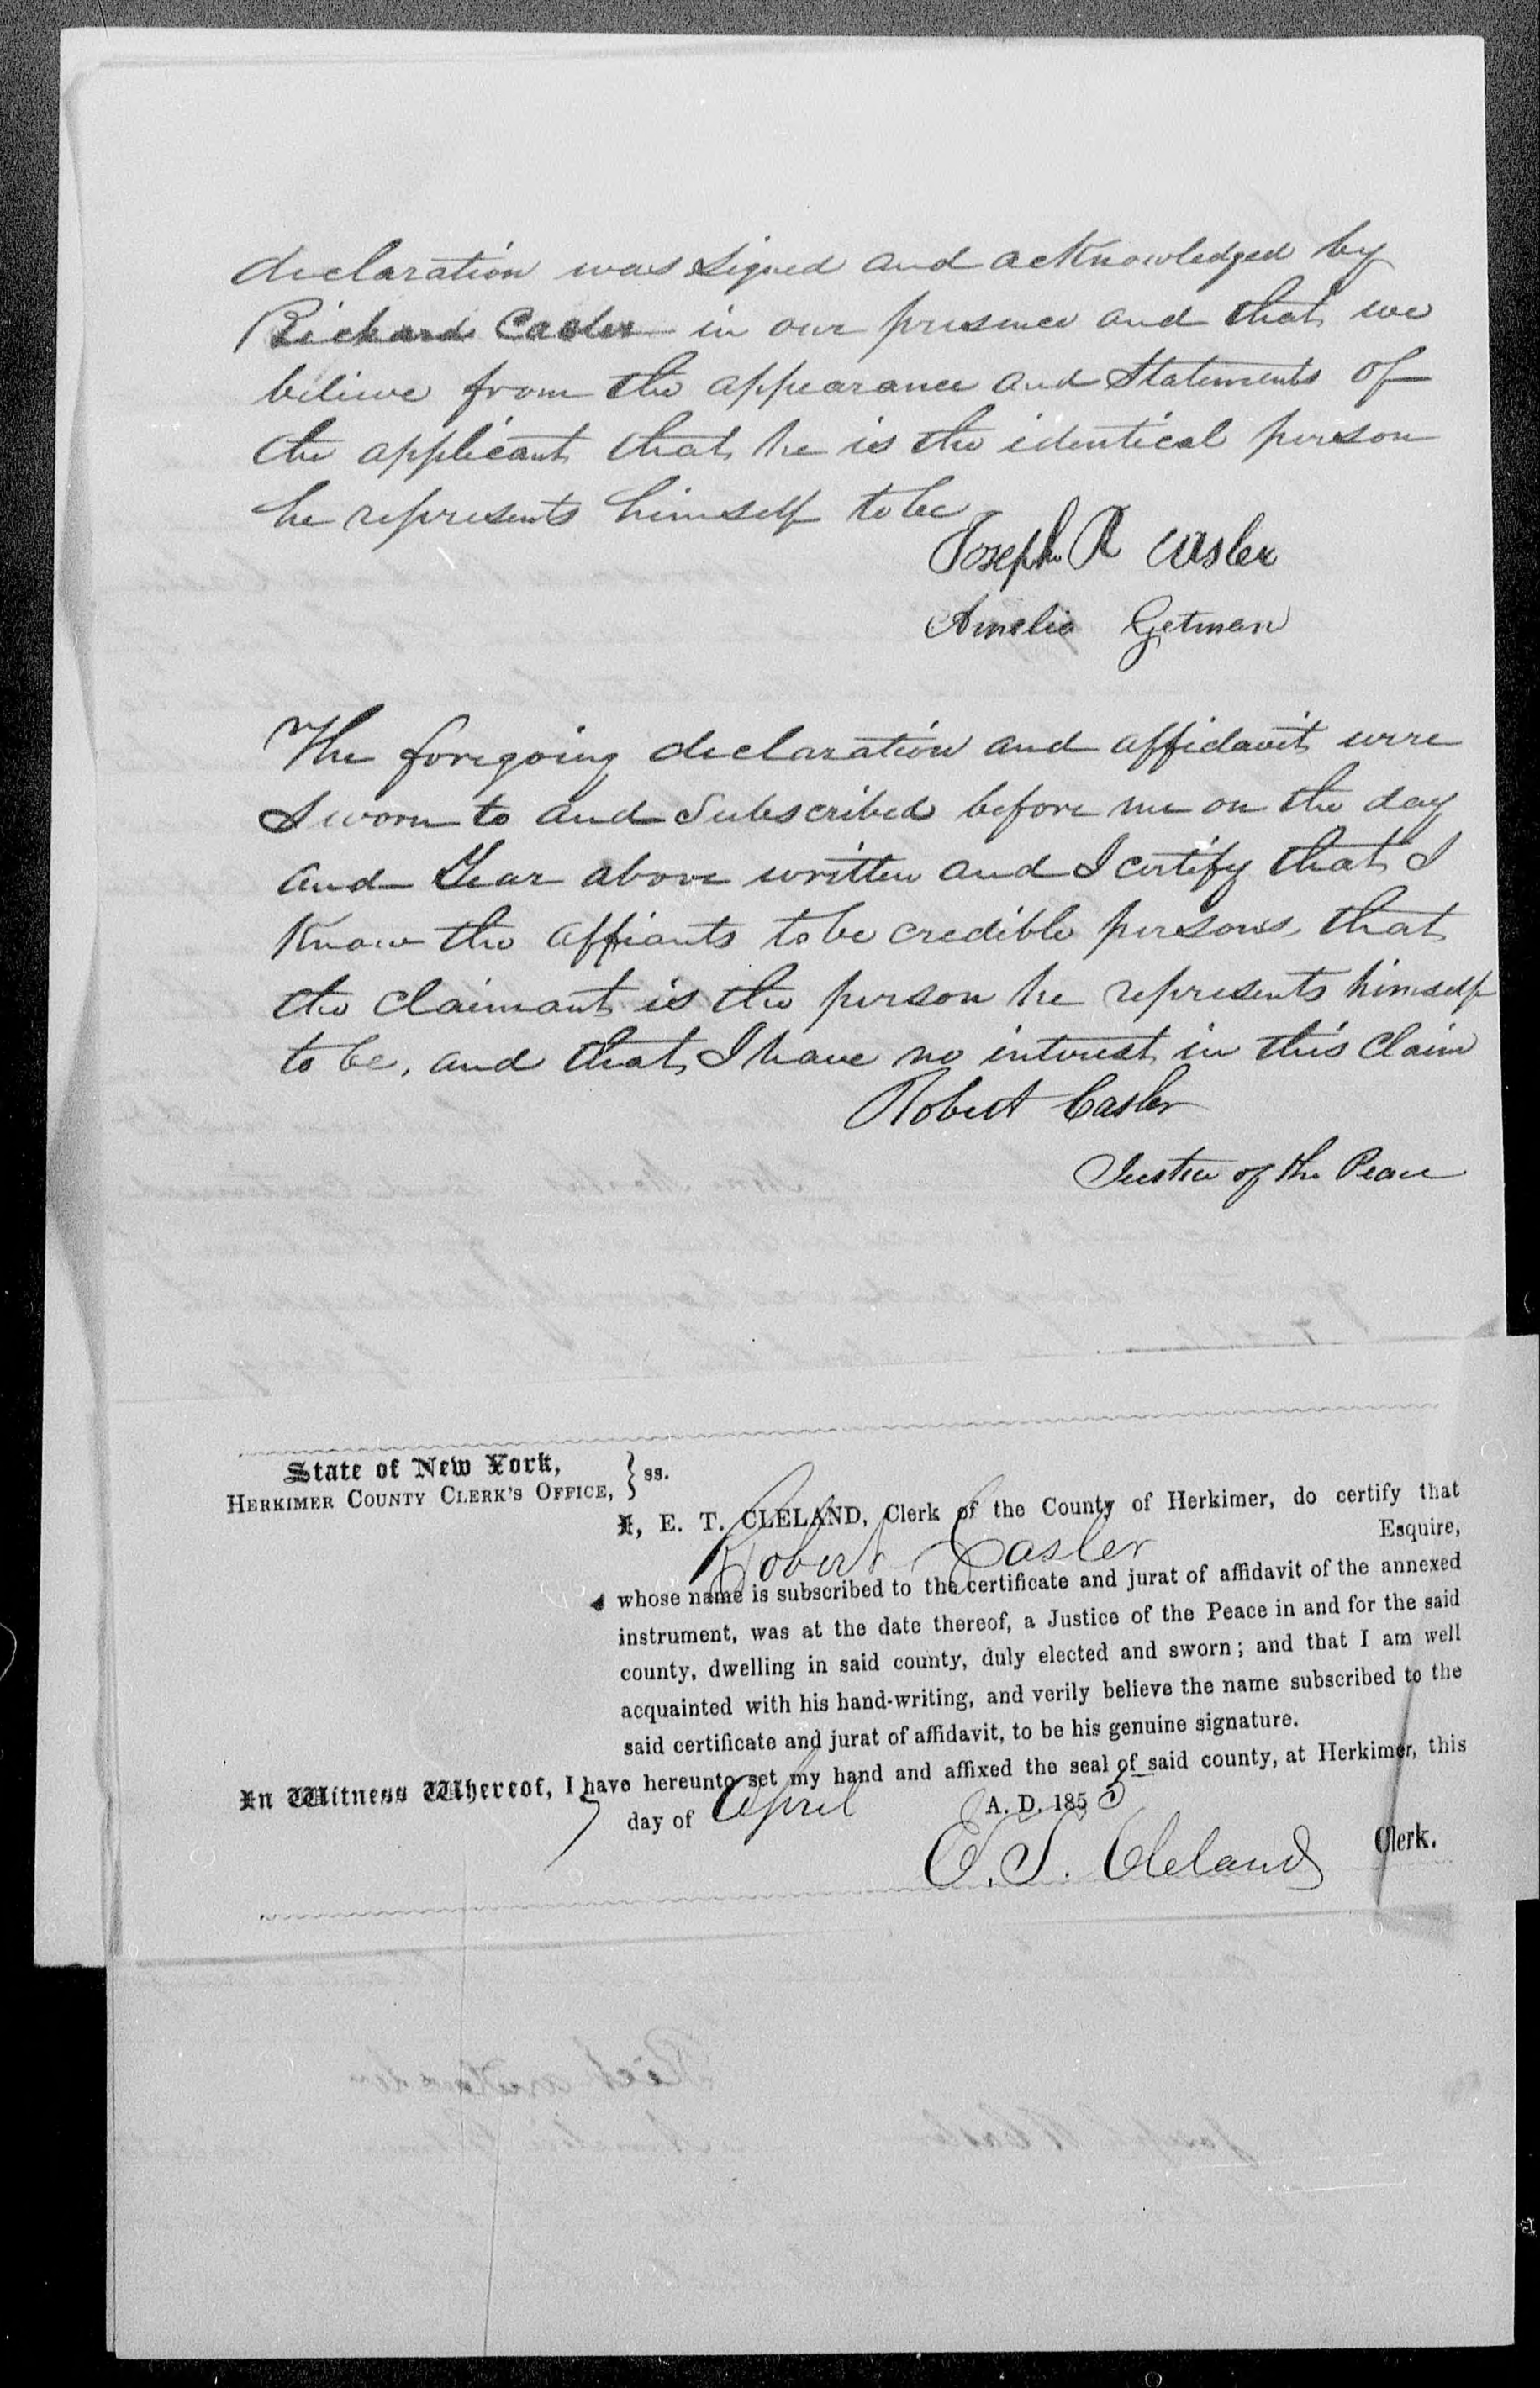declaration was signed and acknowledged by Richard Casler in our presence and that we believe from the appearance and statements of the applicant that he is the identical person he represents himself to be 
[signed] Joseph R Casler   Amelia Getman 

The foregoing declaration and affidavit were sworn to and subscribed before me on the day and year above written and I certify that I know the affiants to be credible persons, that the claimant is the person he represents himself to be, and that I have no interest in this claim 
[signed] Robert Casler Justice of the Peace 

State of New York, 
HERKIMER COUNTY CLERK'S OFFICE, } ss. I, E. T. Cleland, Clerk of the County of Herkimer, do certify that Robert Casler Esquire, whose name is subscribed to the certificate and jurat of affidavit of the annexed instrument, was at the date thereof, a Justice of the Peace in and for the said county, dwelling in said county, duly elected and sworn; and that I am well acquainted with his hand-writing, and verily believe the name subscribed to the said certificate and jurat of affidavit, to be his genuine signature. 
In Witness Whereof, I have hereunto set my hand and affixed the seal of said county, at Herkimer, this 7 day of April A.D. 1855
[signed] E. T. Cleland Clerk.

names: Joseph R Casler, Amelia Getman, Robert Casler, Richard Casler, E T Cleland, E T Cleland, Robert Casler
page: 24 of 66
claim: widow's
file: W. 6637, Richard Caslar, New York